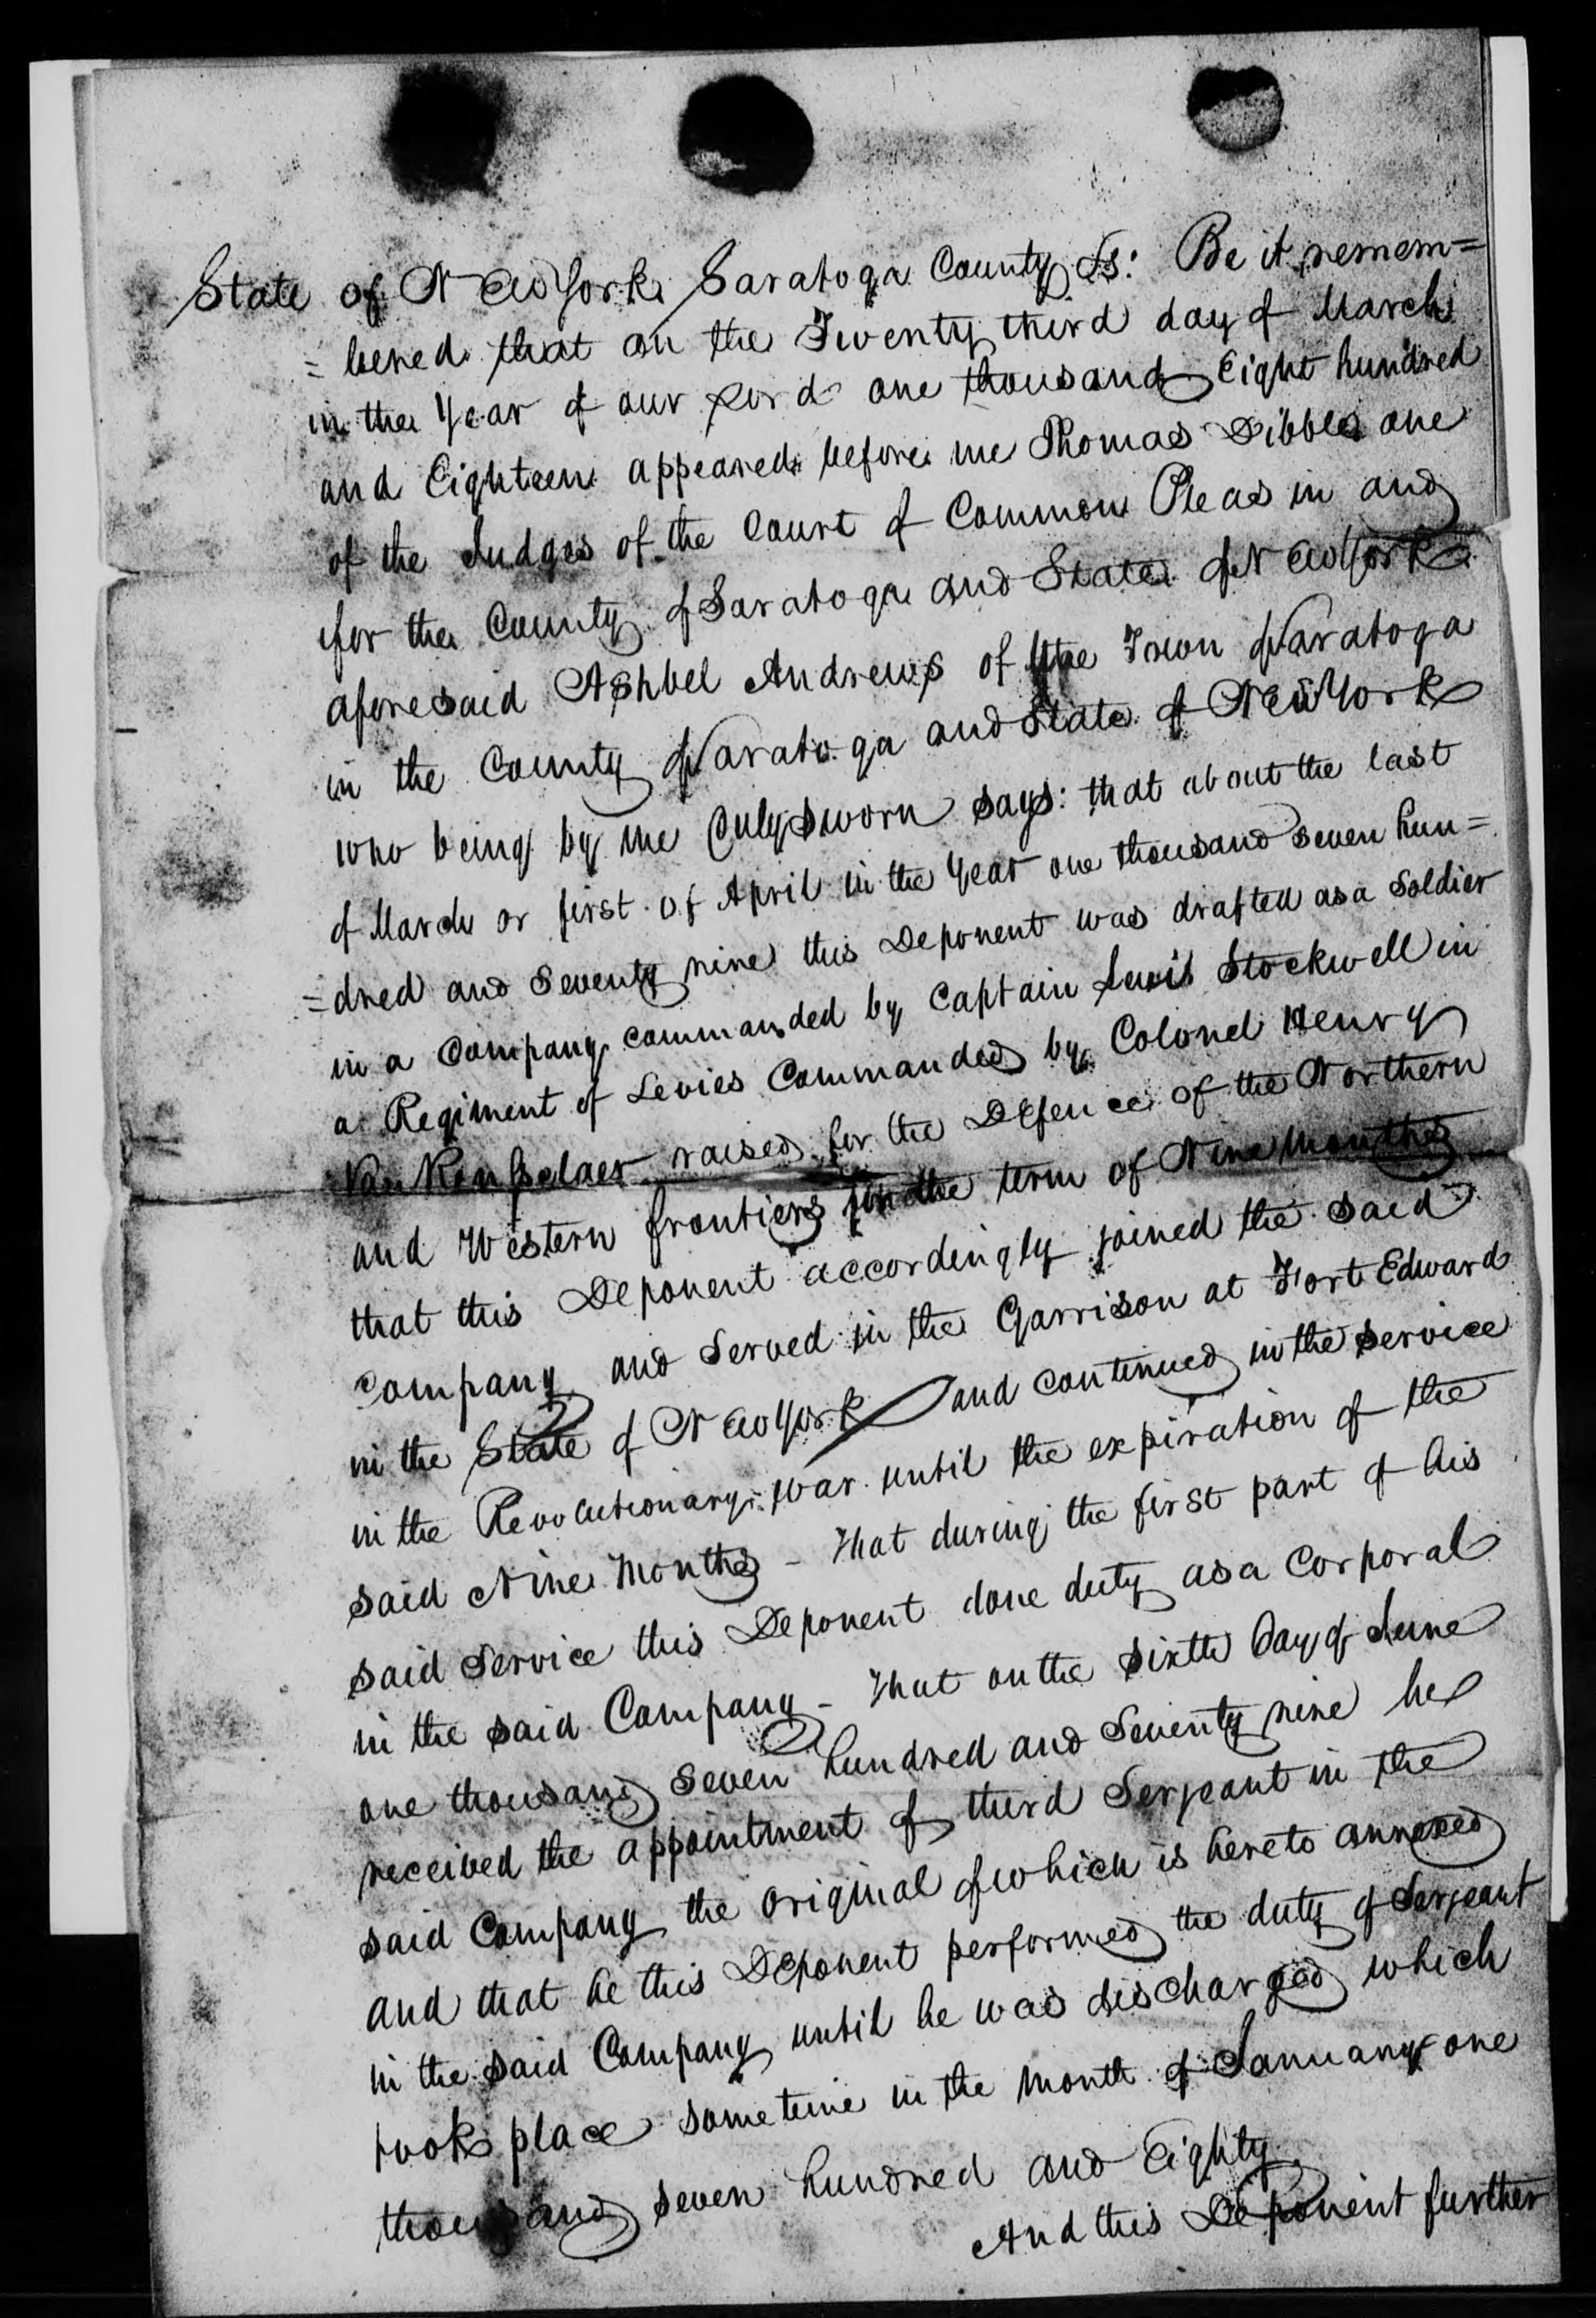State of New York Saratoga County SS:
Be it remembered that on the Twenty third day of March
in the year of our Lord one thousand eight hundred
and Eighteen appeared before me Thomas Dibble one of the
Judges of the Court of Common Pleas in and
for the County of Saratoga and State of New York 
aforesaid Ashbel Andrews
of the Town of Saratoga
in the County of Saratoga and State of New York
who being by me duly sworn says: that about the last
of March or
first of April in the year one thousand seven hundred and seventy nine this
Deponent was drafted as a Soldier
in a company
commanded by Captain Levi Stockwell in a
Regiment of
Levies commanded by
Colonel Henry Van Rensselaer raised
for the
Defence of the Northern
and Western frontiers for the term of nine months
that this
Deponent accordingly joined the said
Company
and served in the
Garrison at Fort Edward in
the State of New York and continued in the service
in the Revolutionary War until the expiration of the
said Nine months. that during the
first part of his
said service this Deponent done duty as a Corporal in the said Company. 
that on the sixth day of June one thousand seven hundred and seventy nine he received the appointment of third Sergeant in the
said Company,
the original of which is hereto annexed
and that he this
Deponent
performed
the duty of Sergeant
in the said Company until he was discharged
which
took place some time in the month of January one thousand seven hundred
and Eighty
And this Deponent further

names: Ashbel Andrews, Thomas Dibble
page: 4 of 8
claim: survivor's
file: S 45217, Ashbel Andrews, New York